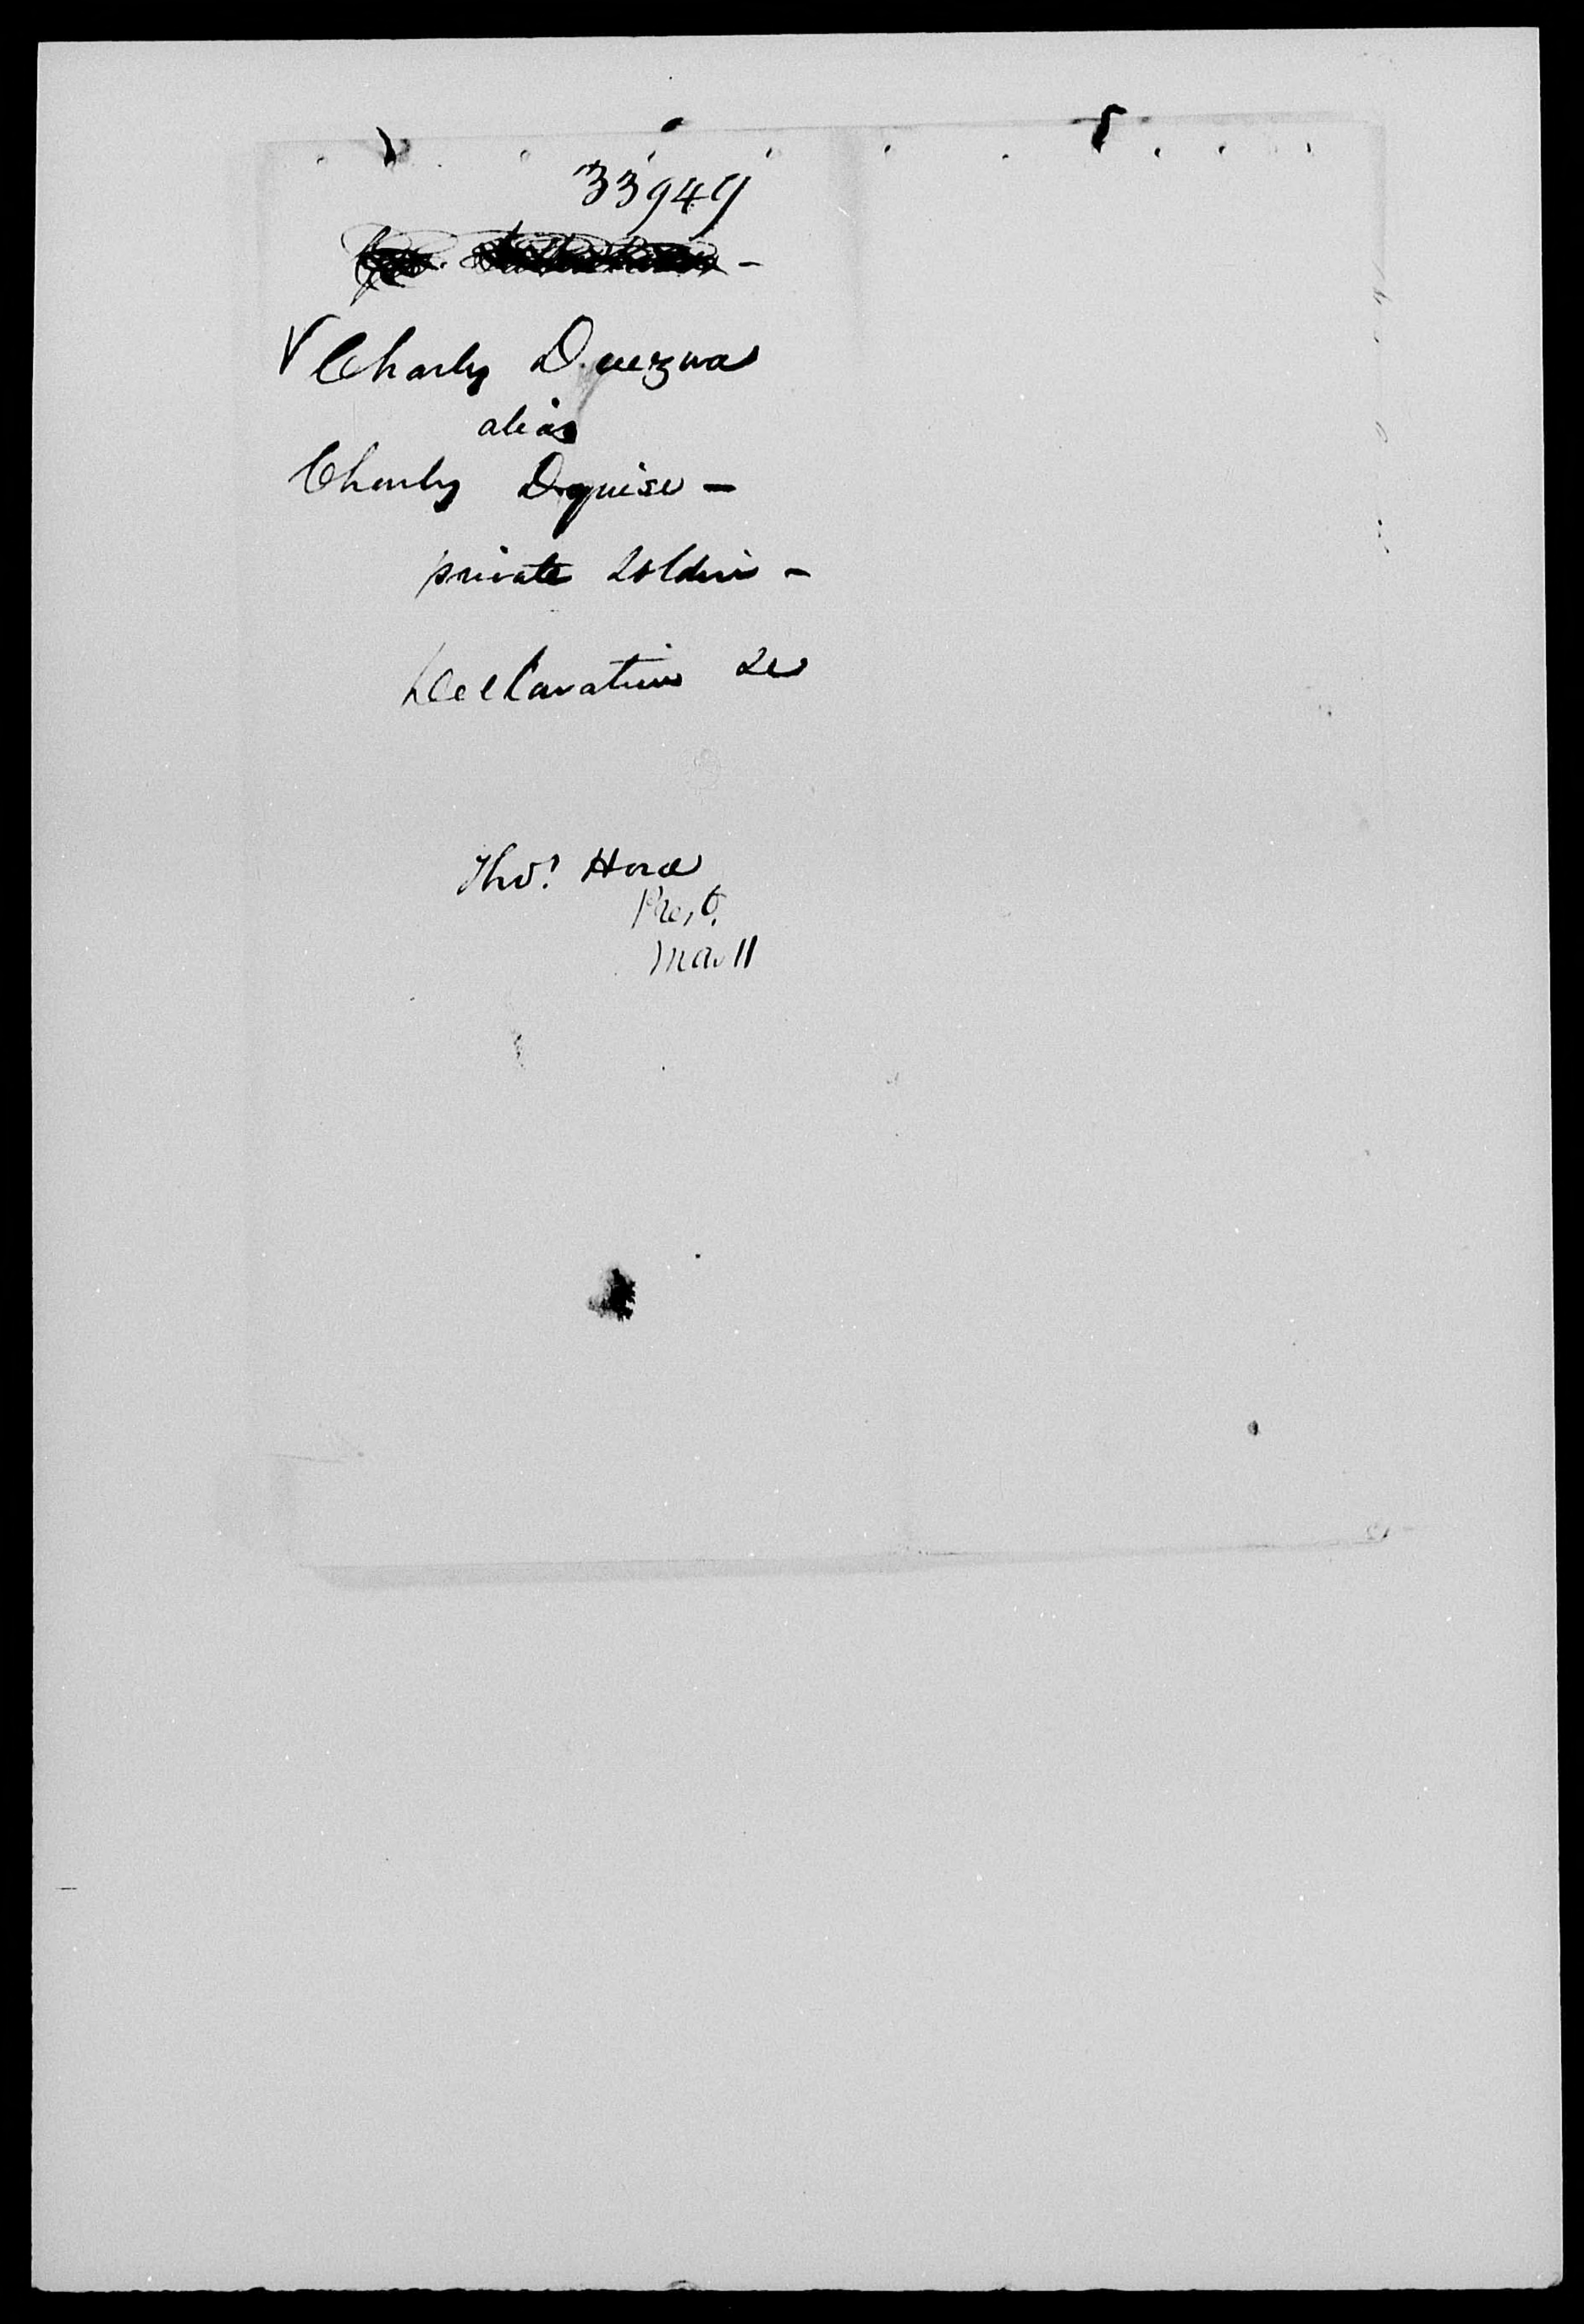33949

Charles Duzua

alias Charles Dequisie

private soldier

Declaration

Thos Hord
Pres
Mar 11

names: Charly Duezwas, Charly Doquise, Thos Hord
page: 14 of 21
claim: rejected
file: R. 2,896, Charles Duzua, French